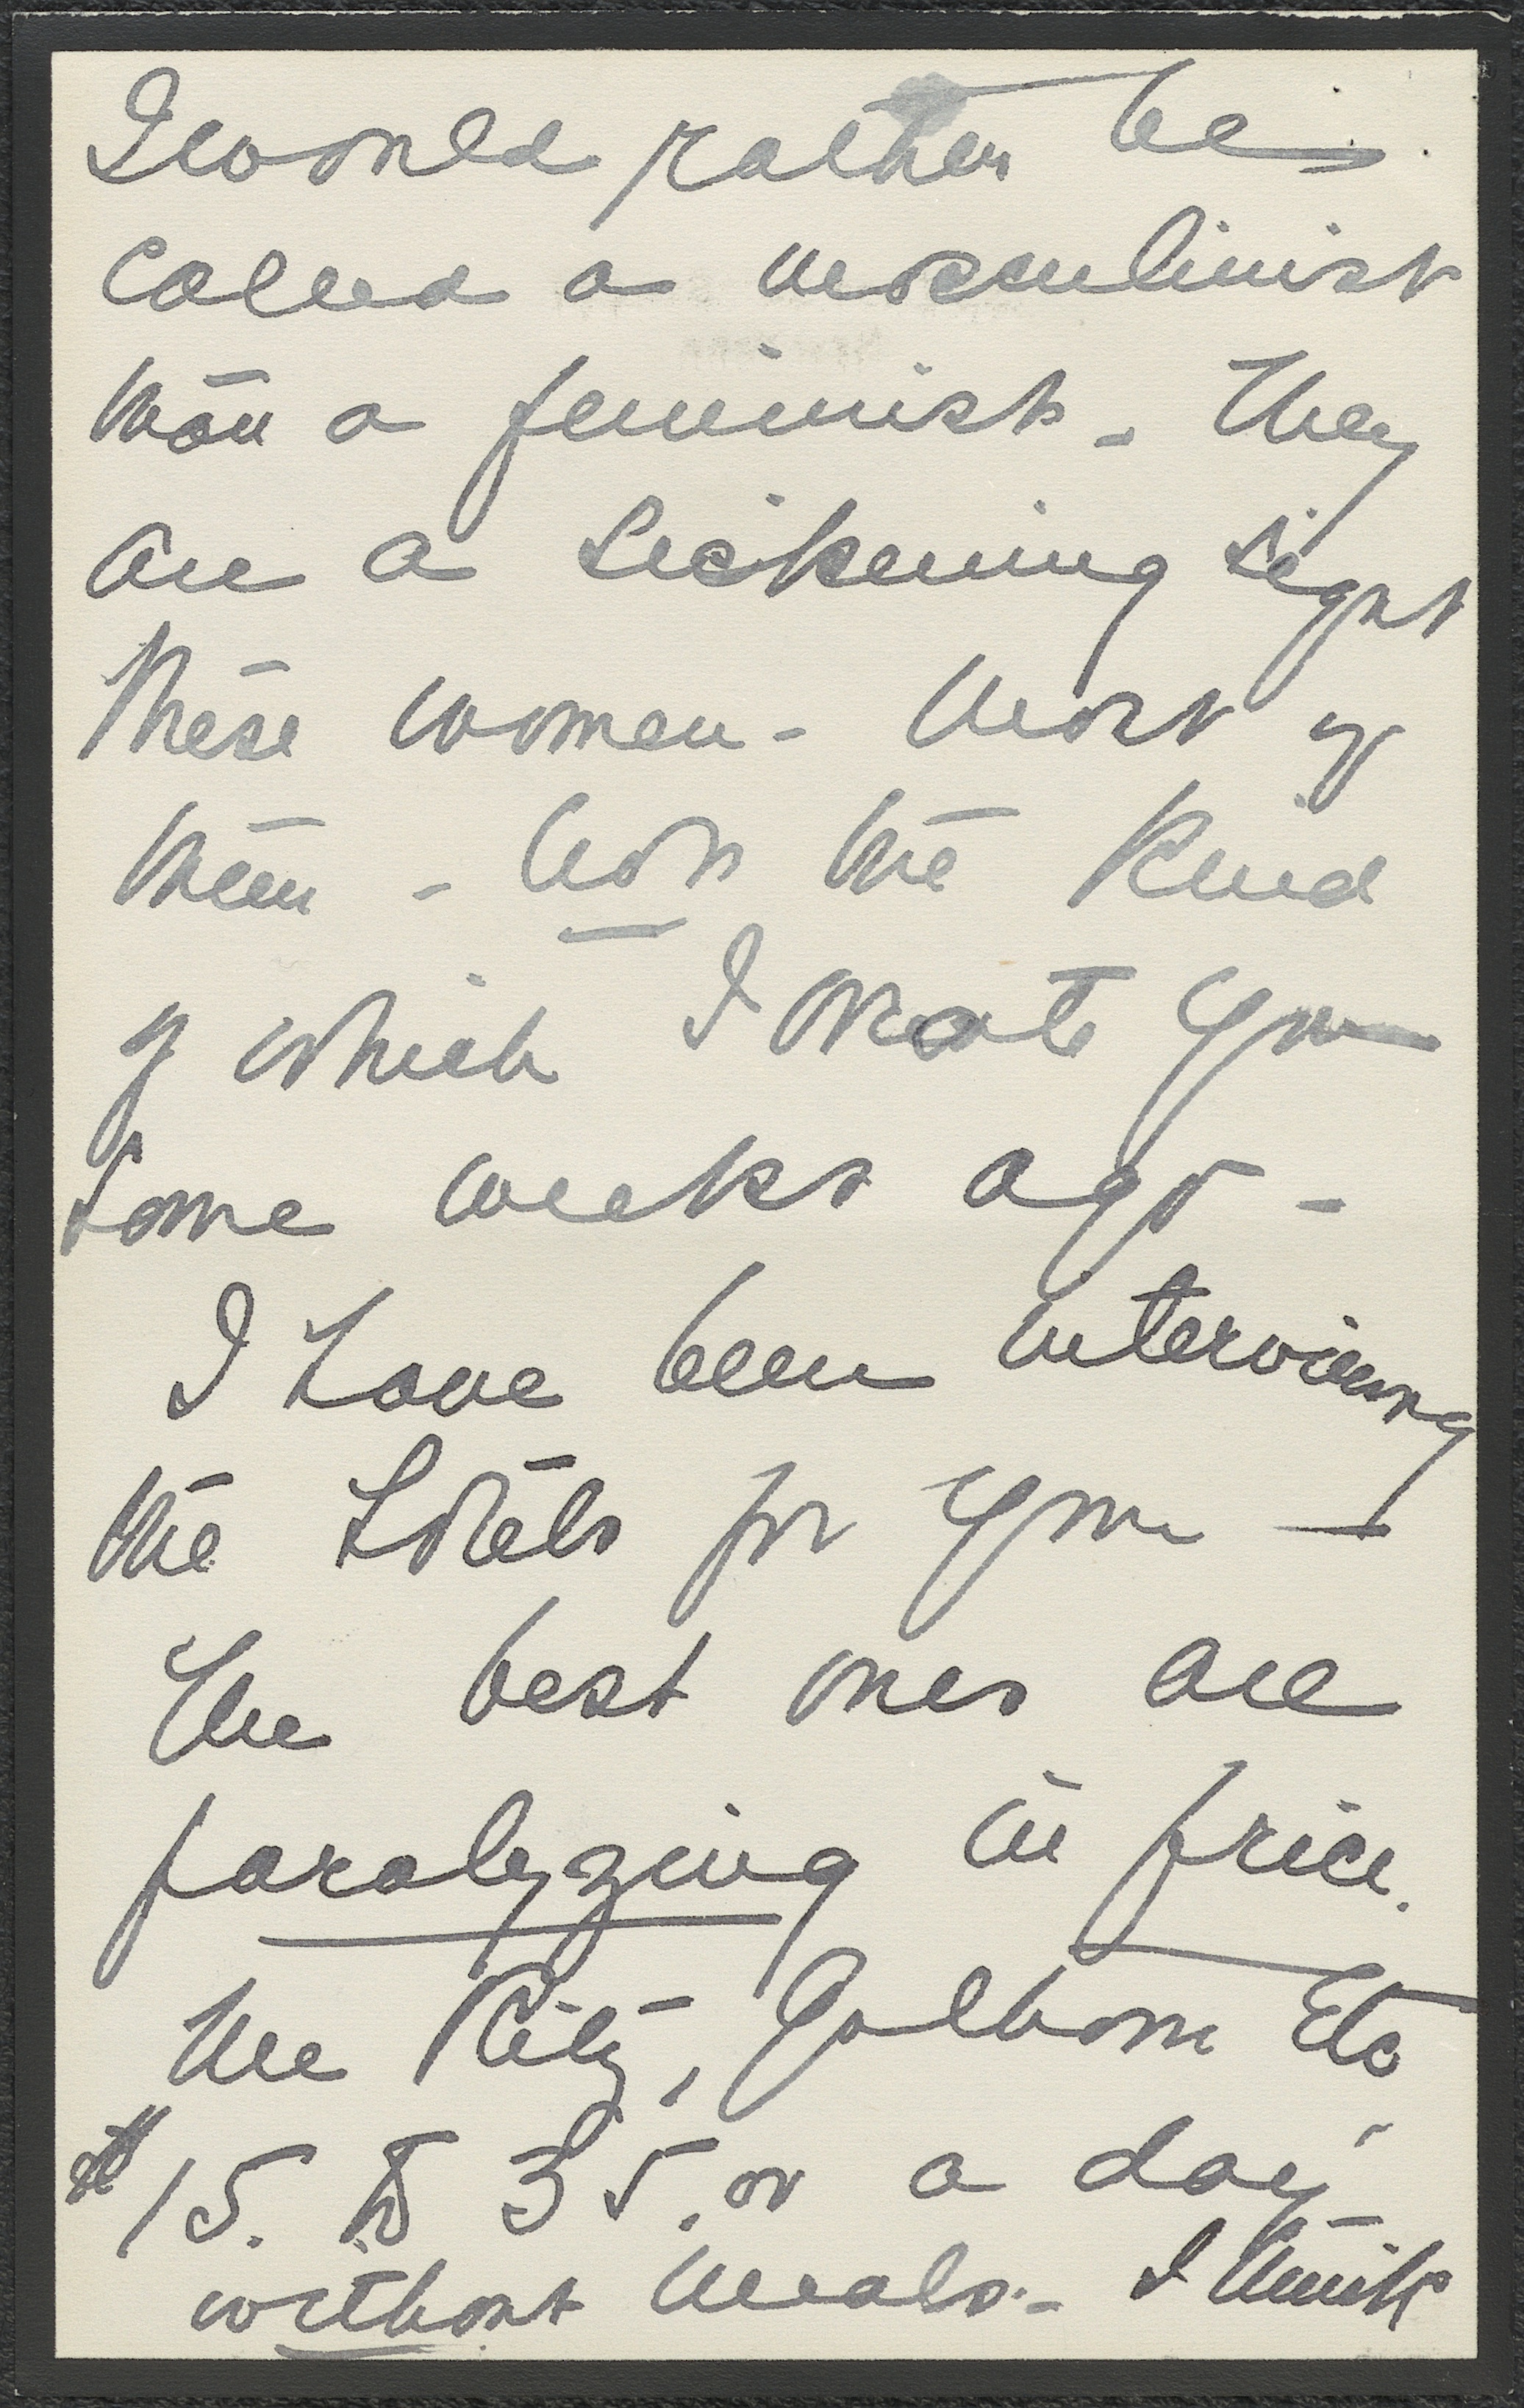I would rather be called a masculinist than a feminist – They are a sickening sight these women – most of them – not the kind of which I wrote you some weeks ago –
I have been interviewing the hotels for you –
The best ones are paralyzing in price.
The Ritz, Gotham etc, $15. to 35.00 a day – without meals – I think